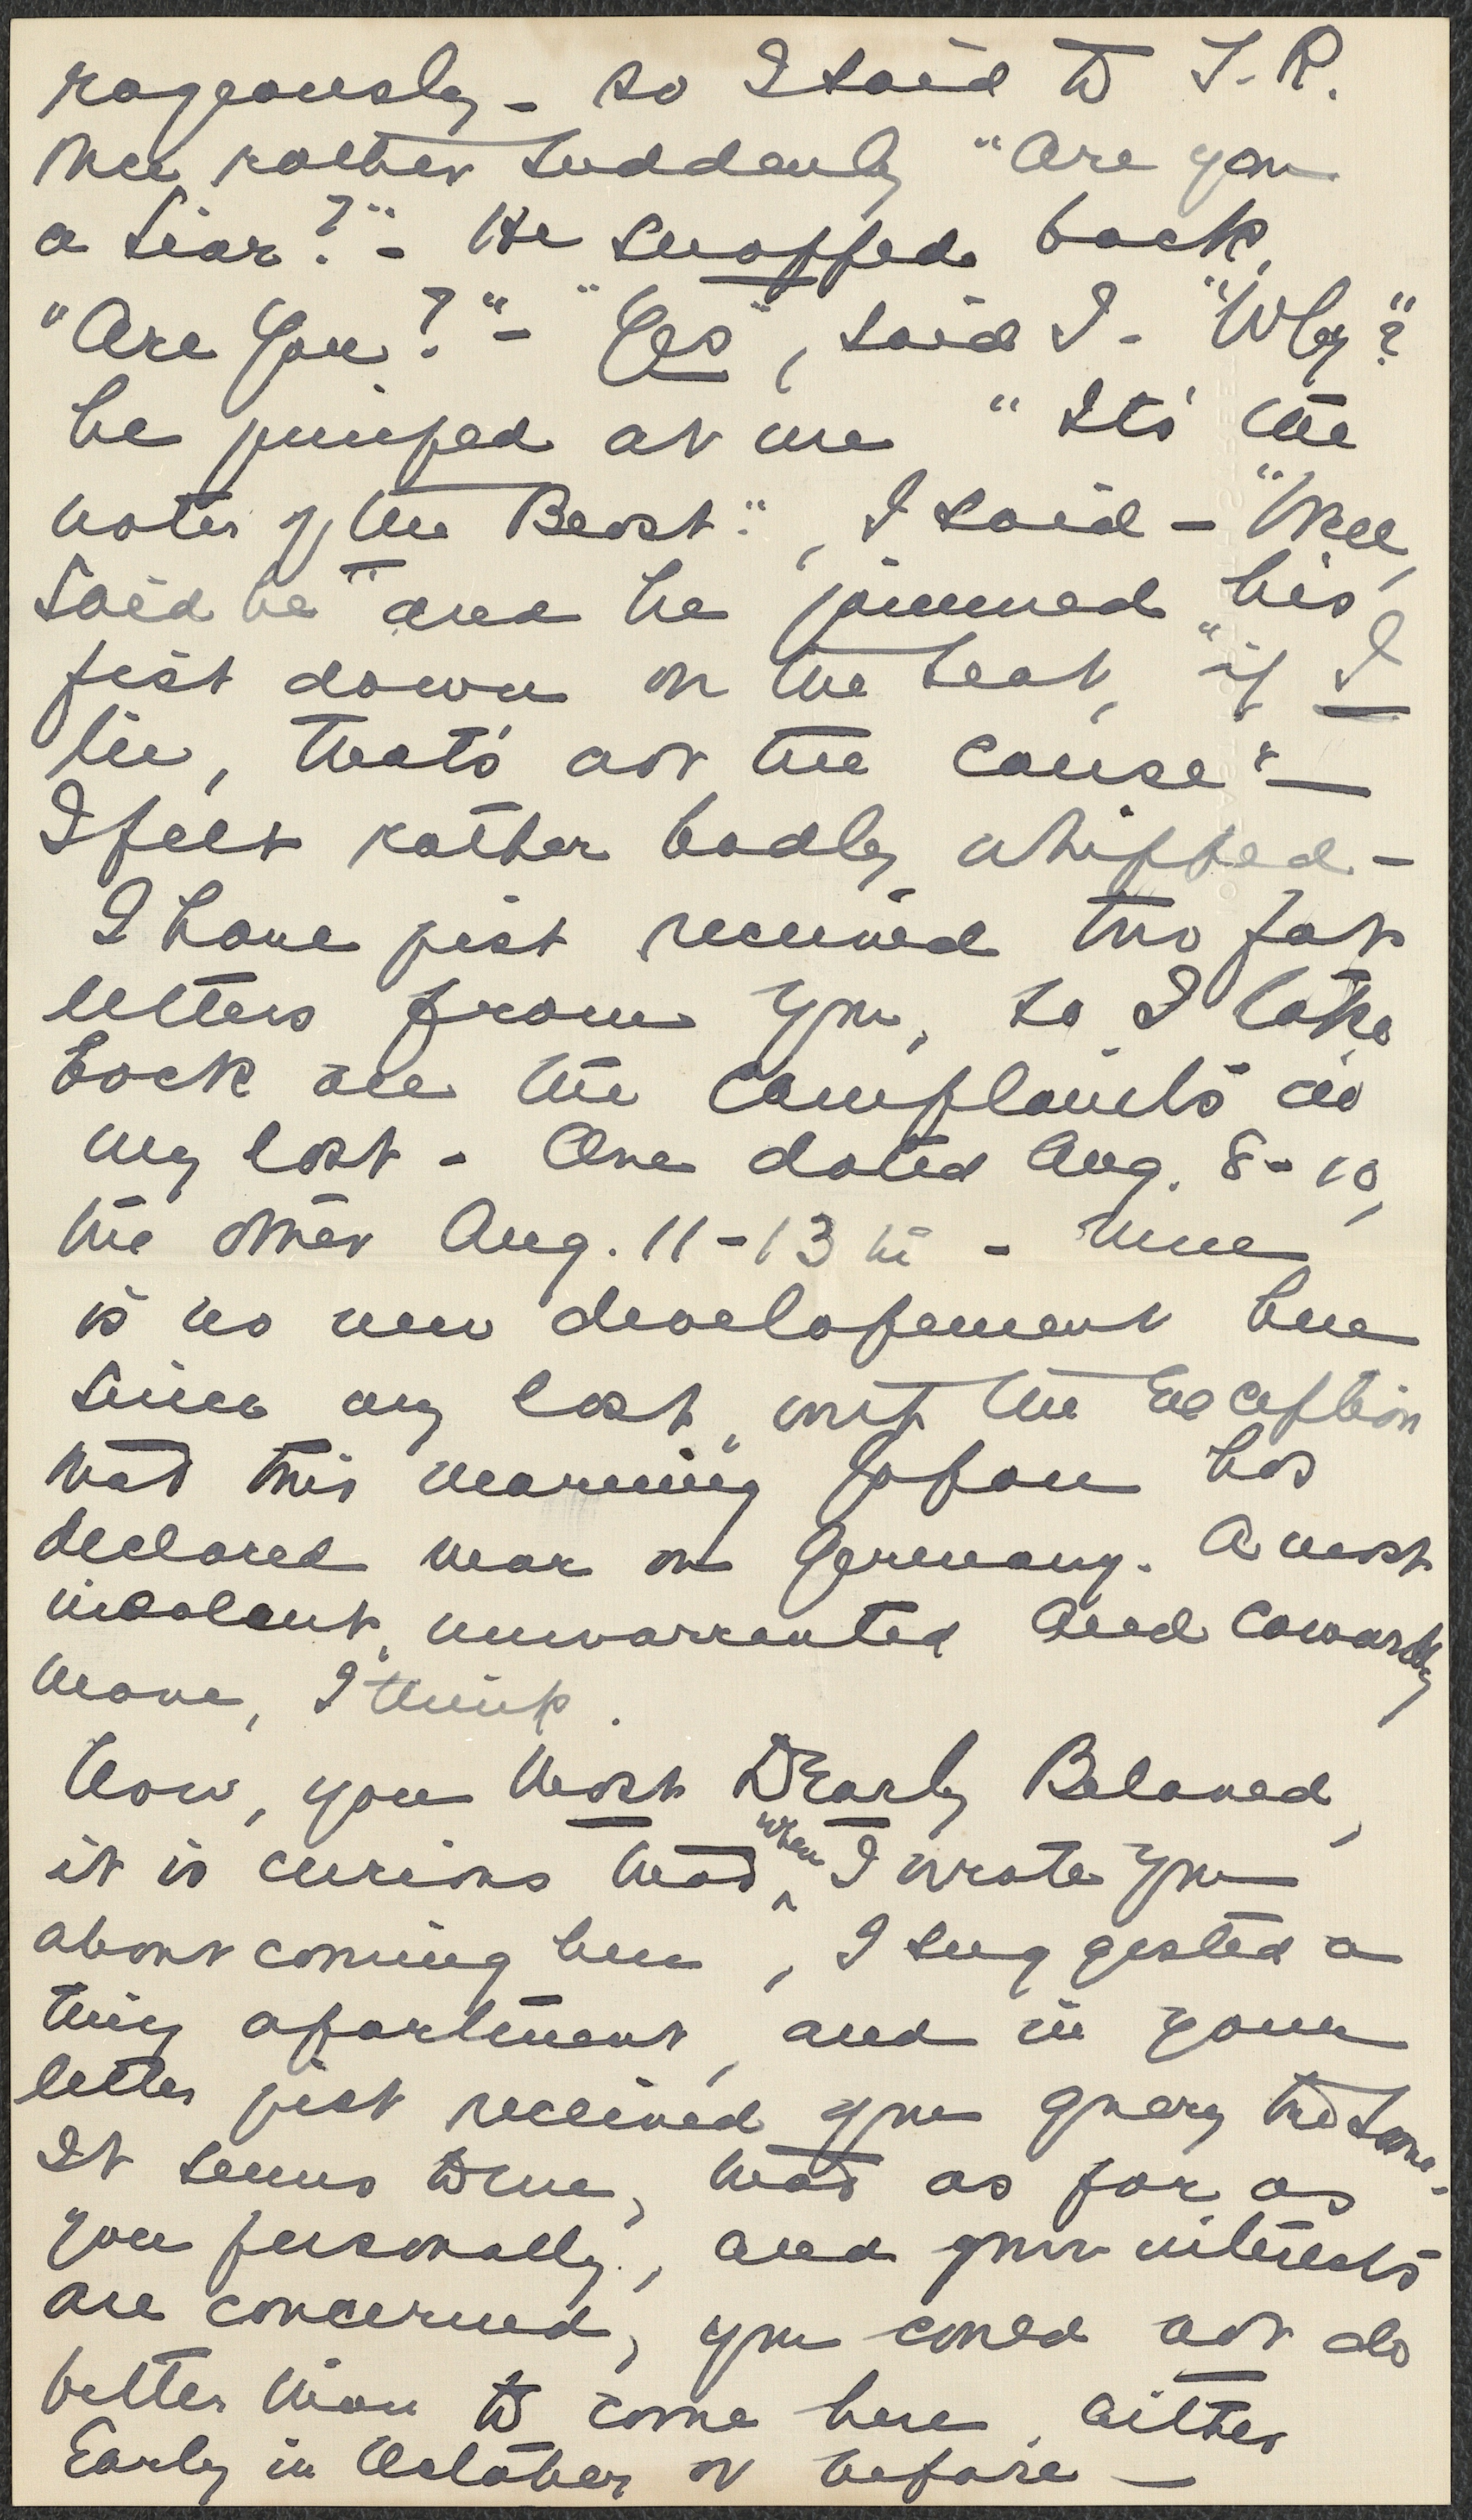outrageously – so I said to T.R. once rather suddenly “Are you a Liar?” – He snapped back, “Are You?”– “Yes”, said I – “Why?” he jumped at me “It’s the notes of the Beast”, I said – “Well, said he " and he jammed his fist down on the seat, “if I lie, that’s not the cause”– I felt rather badly whipped –
I have just received two fat letters from you, so I take back all the complaints in my last – One dated Aug. 8-10, the other Aug. 11-13th – There is no new development here since my last, with the exception that this morning Japan has declared war on Germany. A most insolent, unwarranted and cowardly move, I think.
Now, you Most Dearly Beloved, it is curious that [^when^] I wrote you about coming here, I suggested a tiny apartment, and in your letter just received you query the same. It seems to me, that as far as you personally, and your interests are concerned, you could not do better than to come here, either early in October or before –